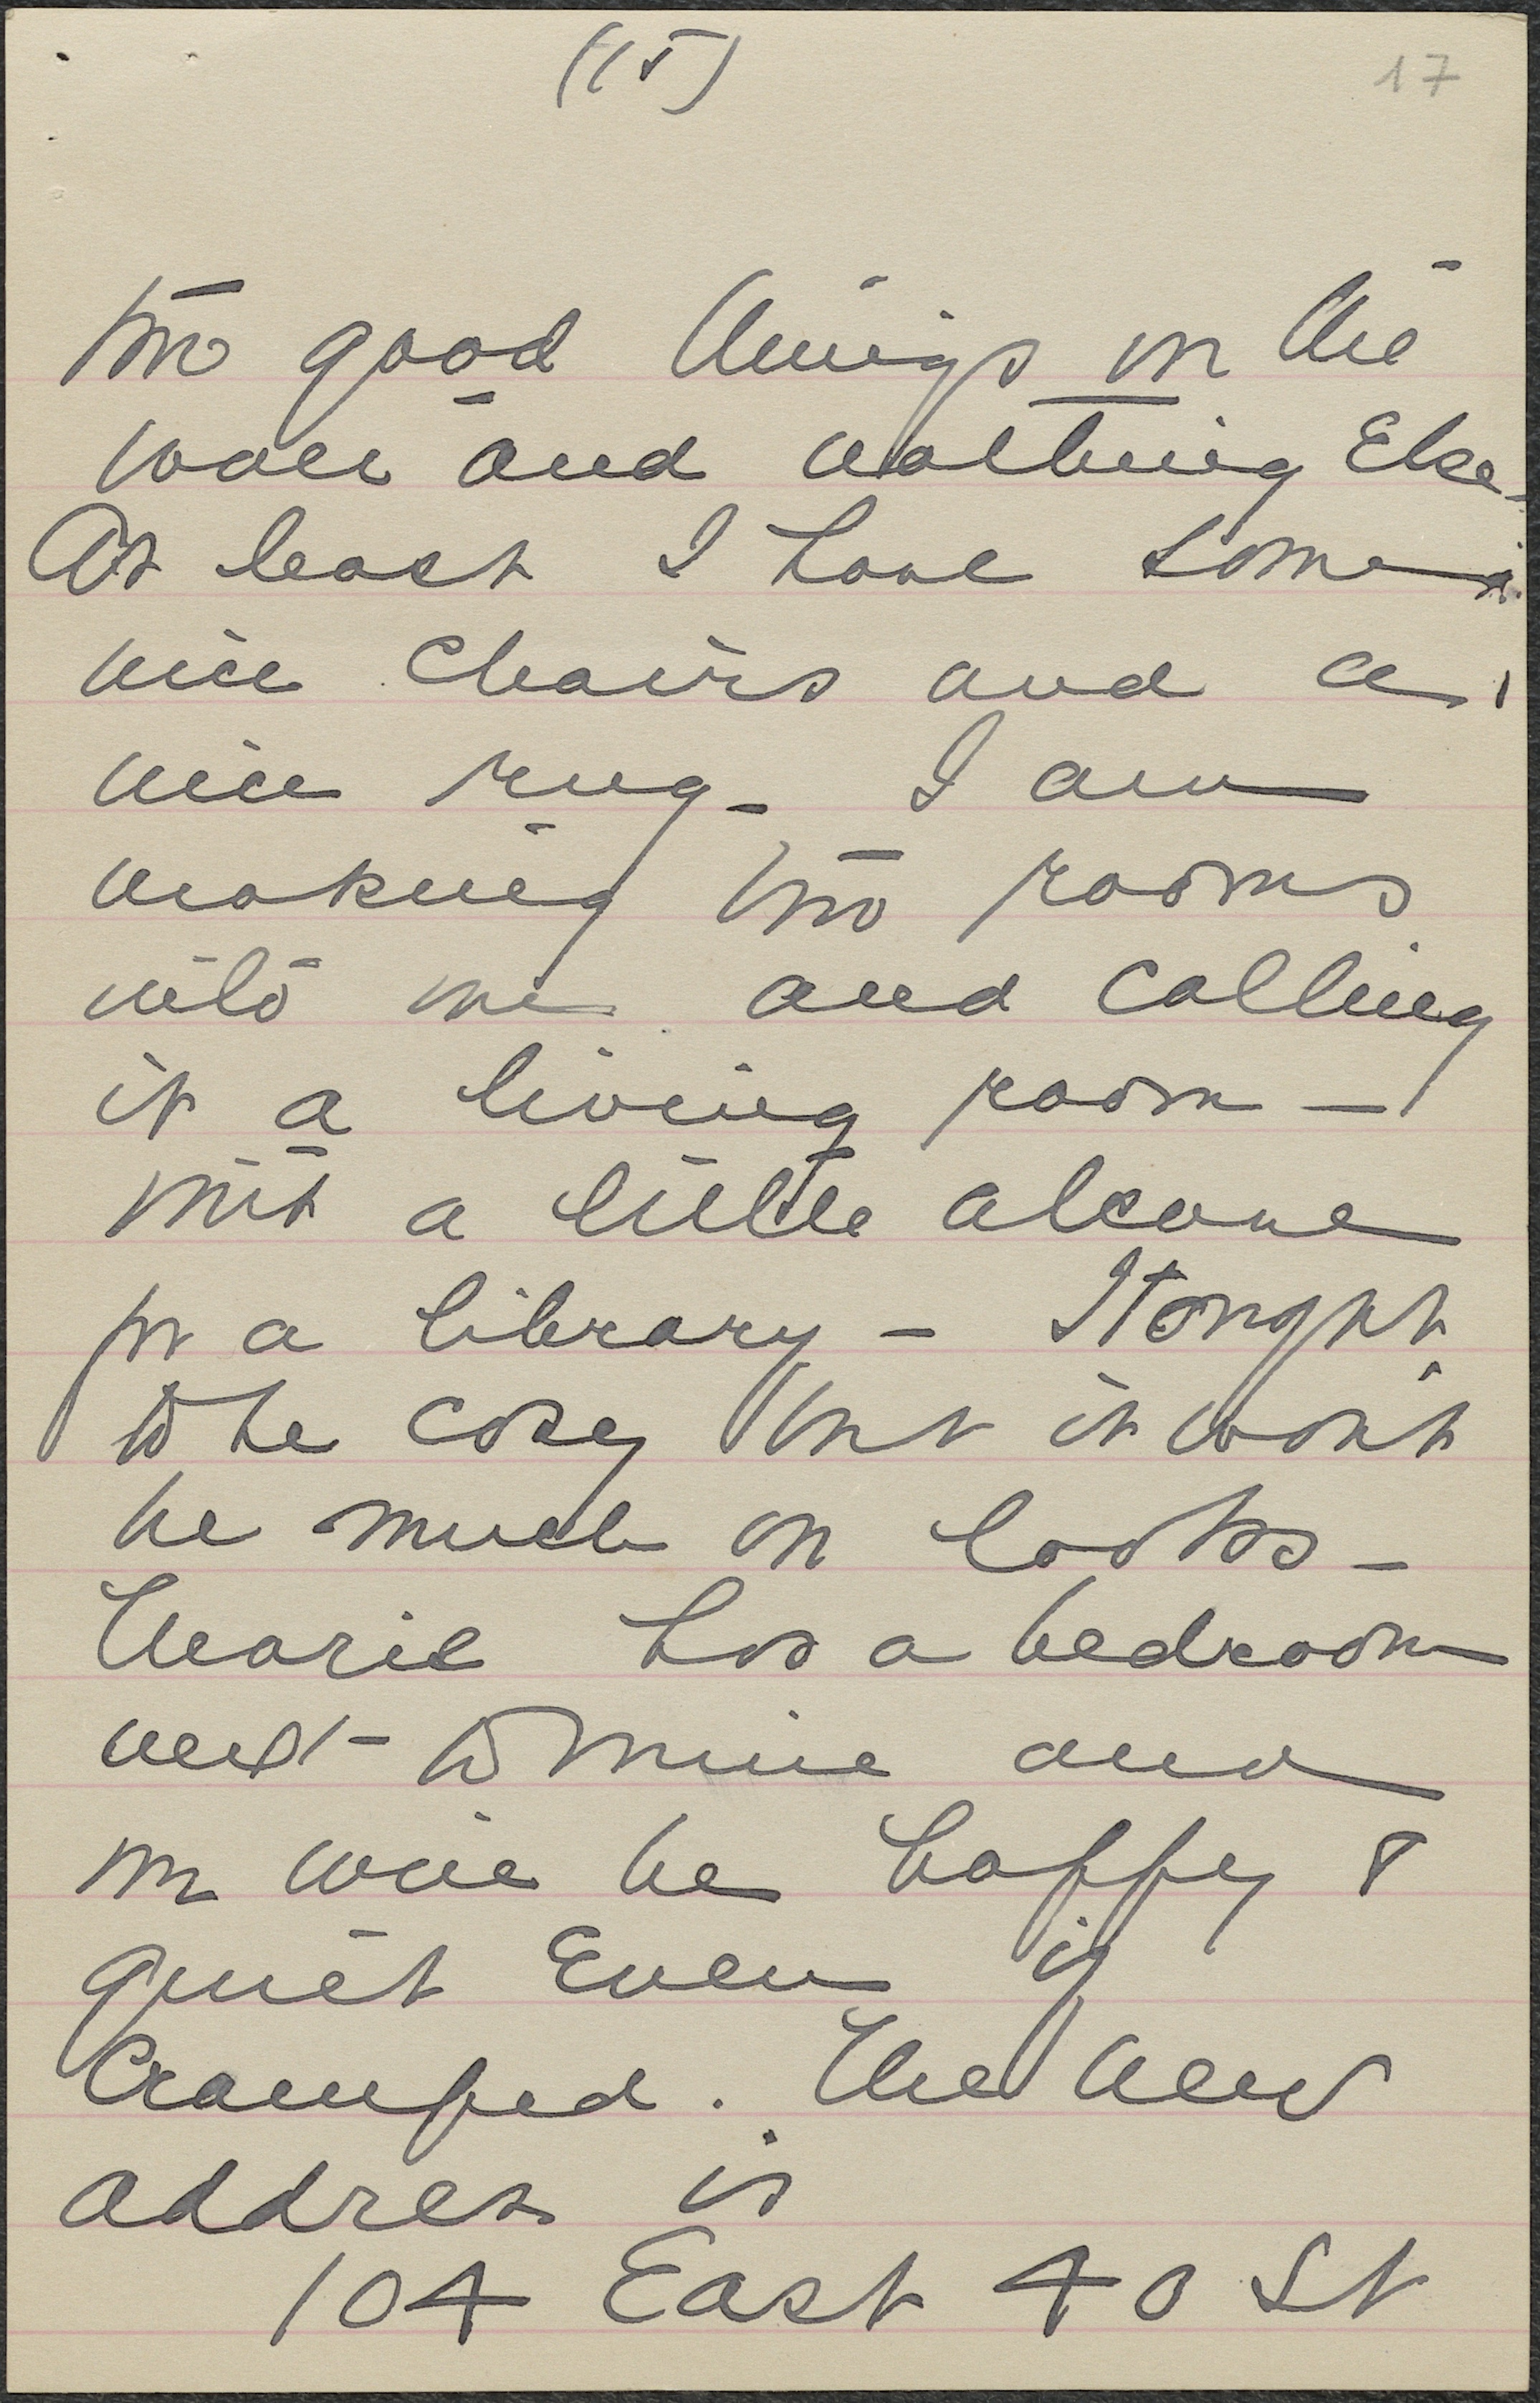(15)
two good things on the wall and nothing else – At least I have some nice chairs and a nice rug – I am making two rooms into one and calling it a living room – with a little alcove for a library – It ought to be cosy but it won’t be much on looks – Marie has a bedroom next to mine and we will be happy & quiet even if cramped. The new addres [sic] is
[in secretarial script: 104 East 40 St]